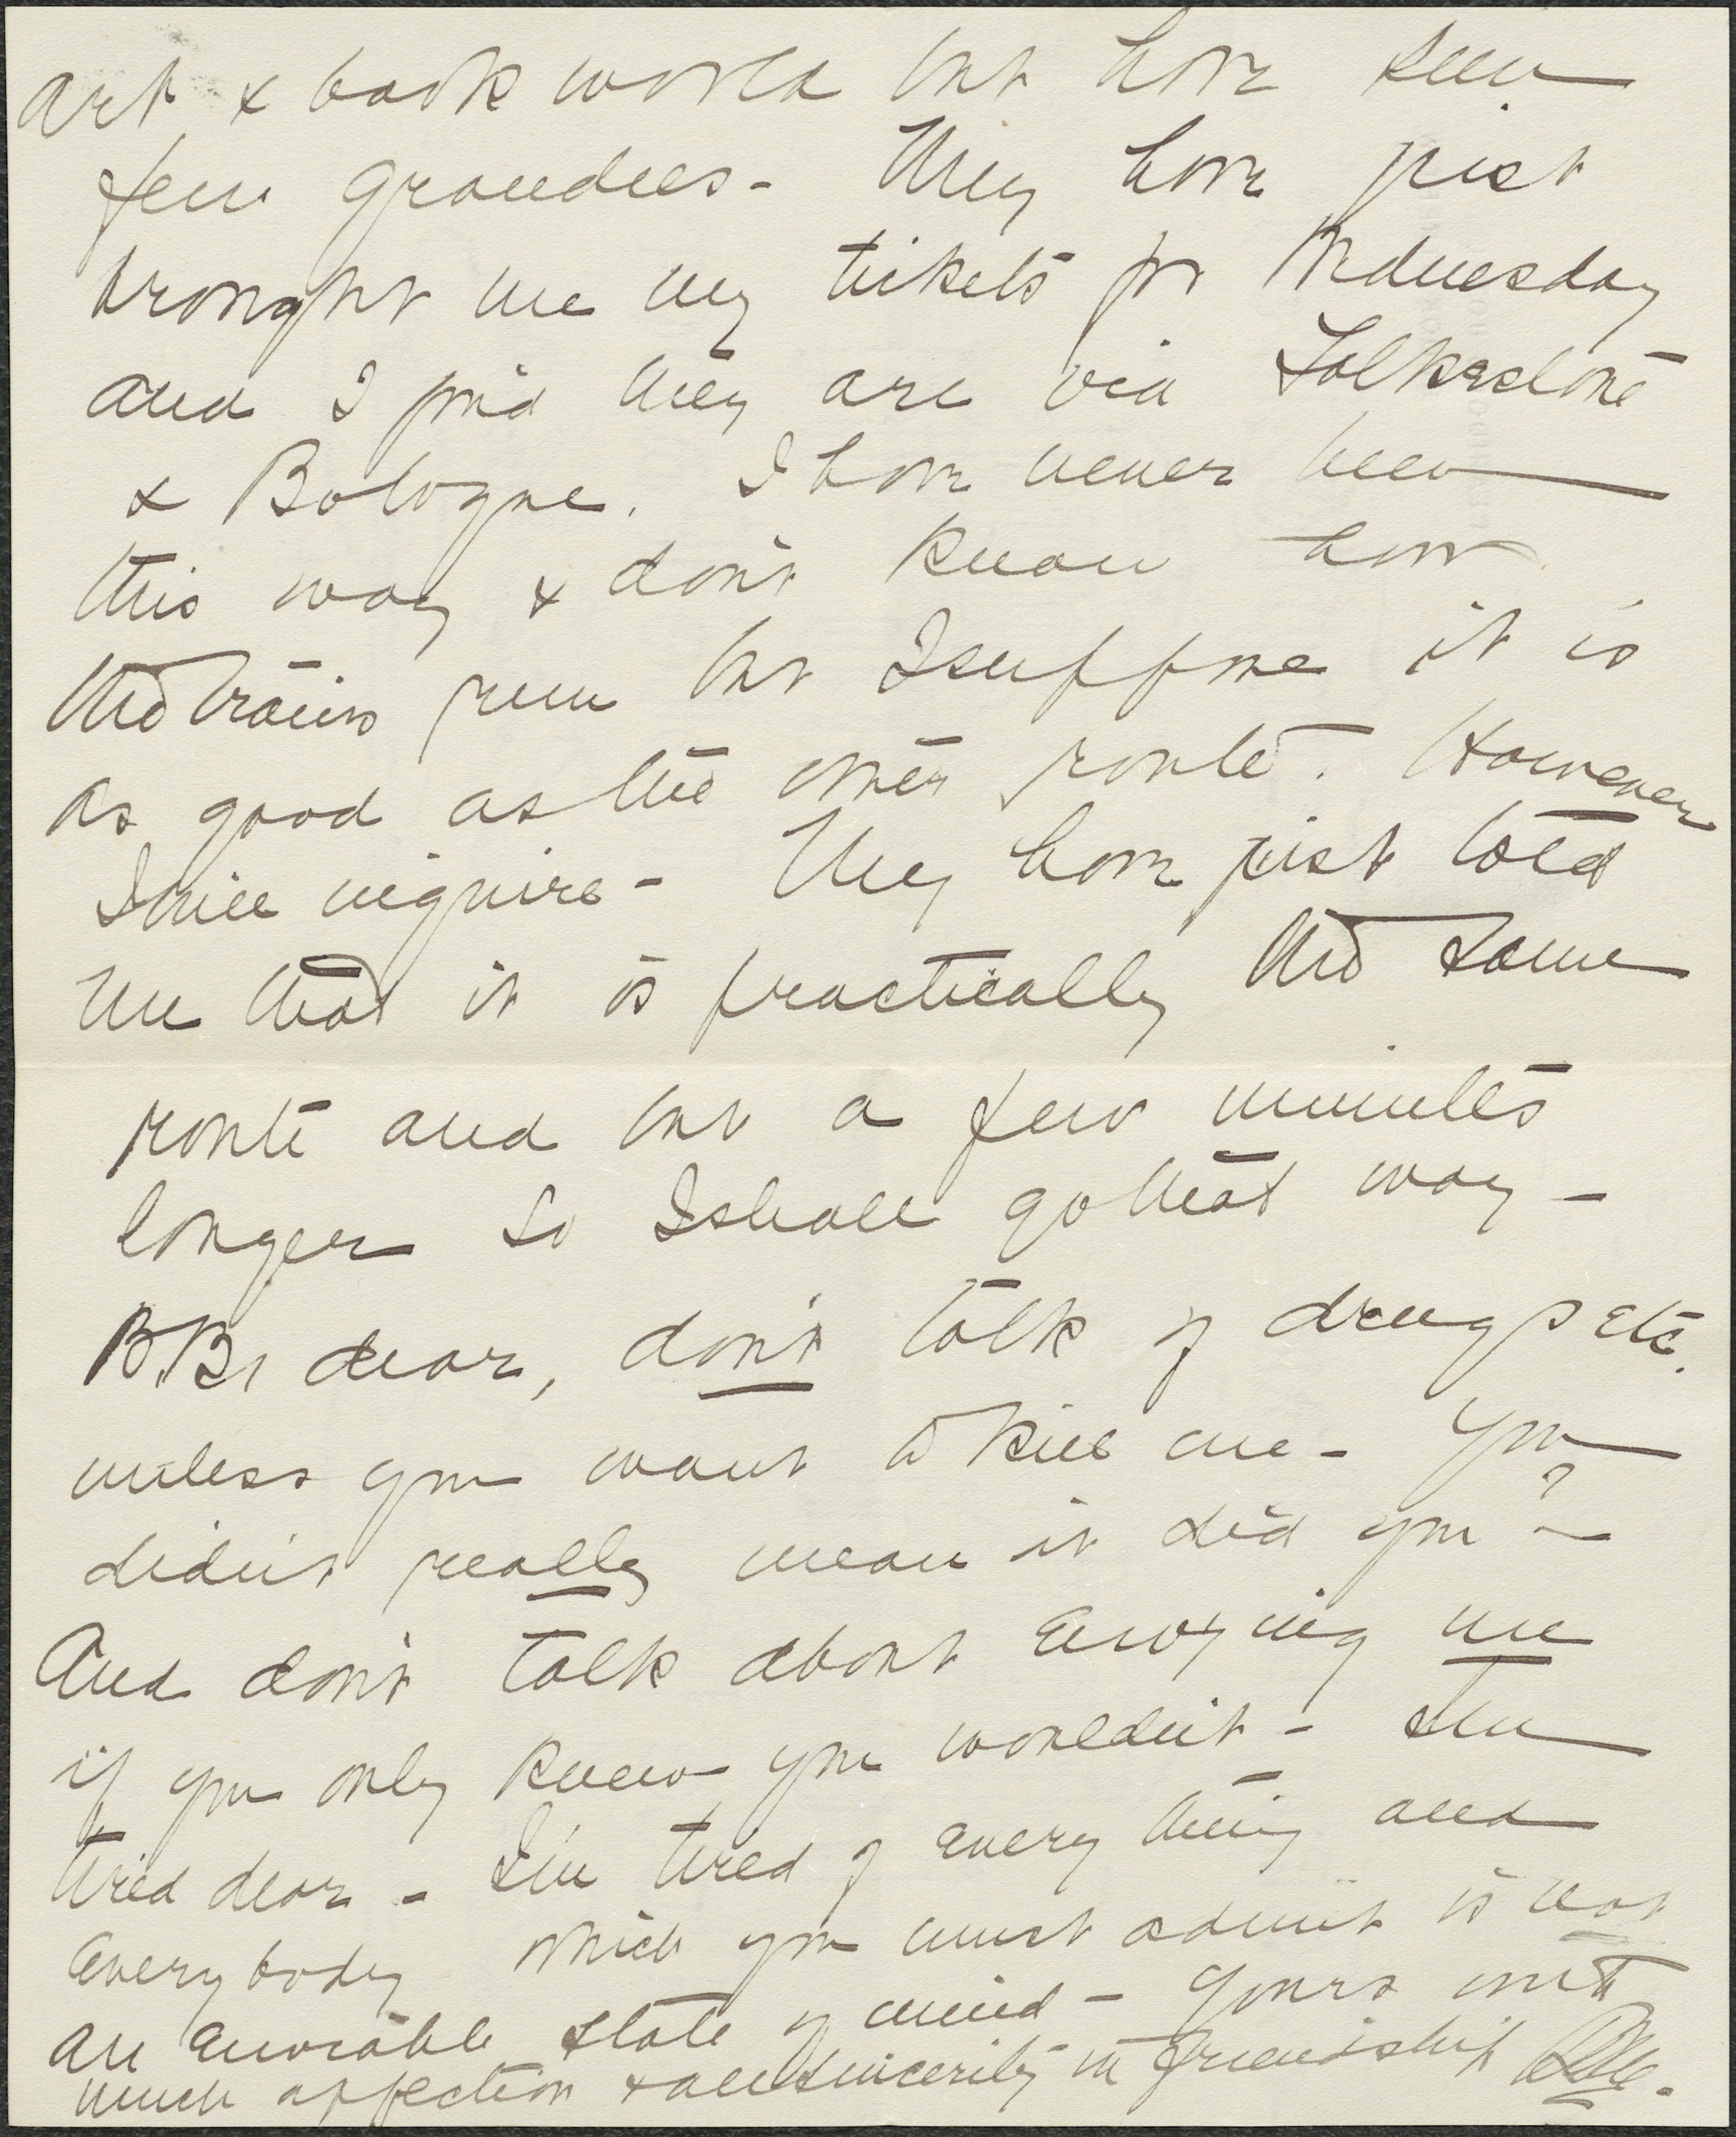art & book world but have seen few grandees – They have just brought me my tickets for Wednesday and I find they are via Folkestone & Bologne [sic]. I have never been this way & don’t know how the trains run but I suppose it is as good as the other route. However I will inquire – They have just told me that it is practically the same route and but a few minutes longer so I shall go that way – B.B. dear, don’t talk of drugs etc. unless you want to kill me – you didn’t really mean it did you? – And don’t talk about envying me if you only knew you wouldn’t – I’m tired dear – I’m tired of every thing and every body which you must admit is not an enviable state of mind – Yours with much affection & all sincerity in friendship Belle.